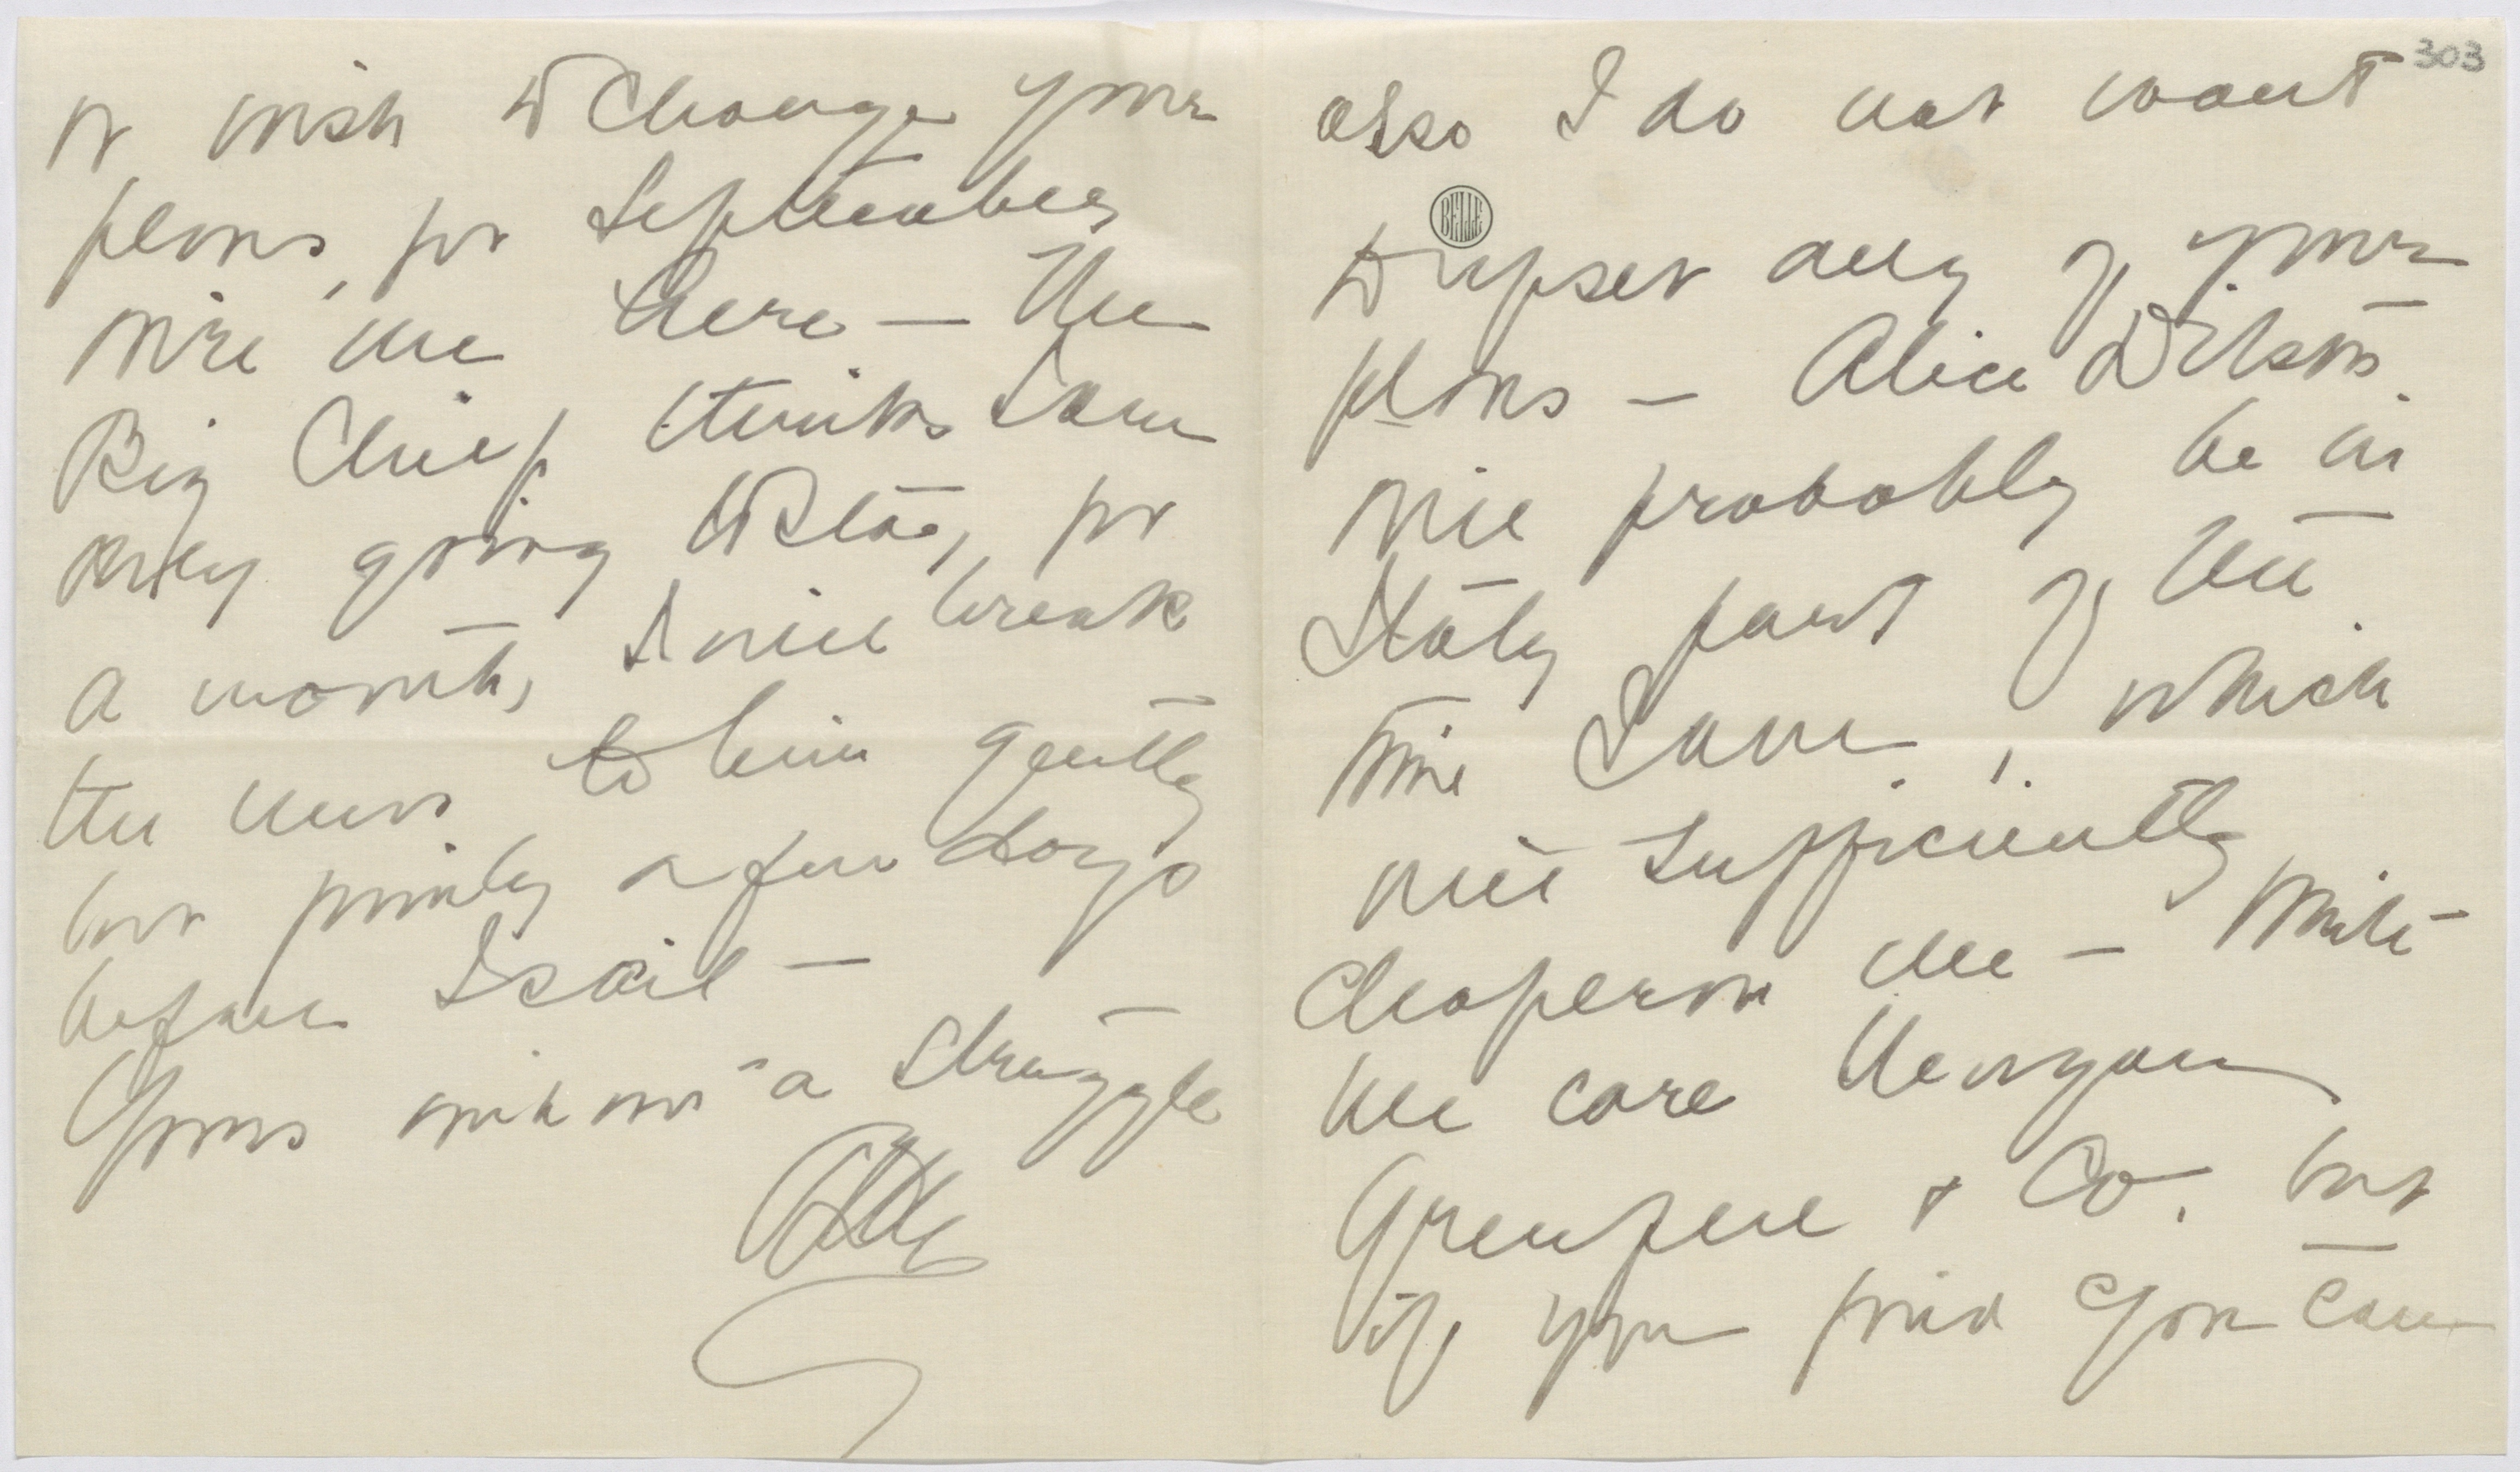also I do not want to upset any of your plans – Alice Ditson will probably be in Italy part of the time I am, which will sufficiently chaperone me – Write me care Morgan Grenfell & Co. but if you find you can
or wish to change your plans, for September wire me here – The Big Chief thinks I am only going to stay for a month, I will break the news to him gently but firmly a few days before I sail –
Yours without a struggle
Belle